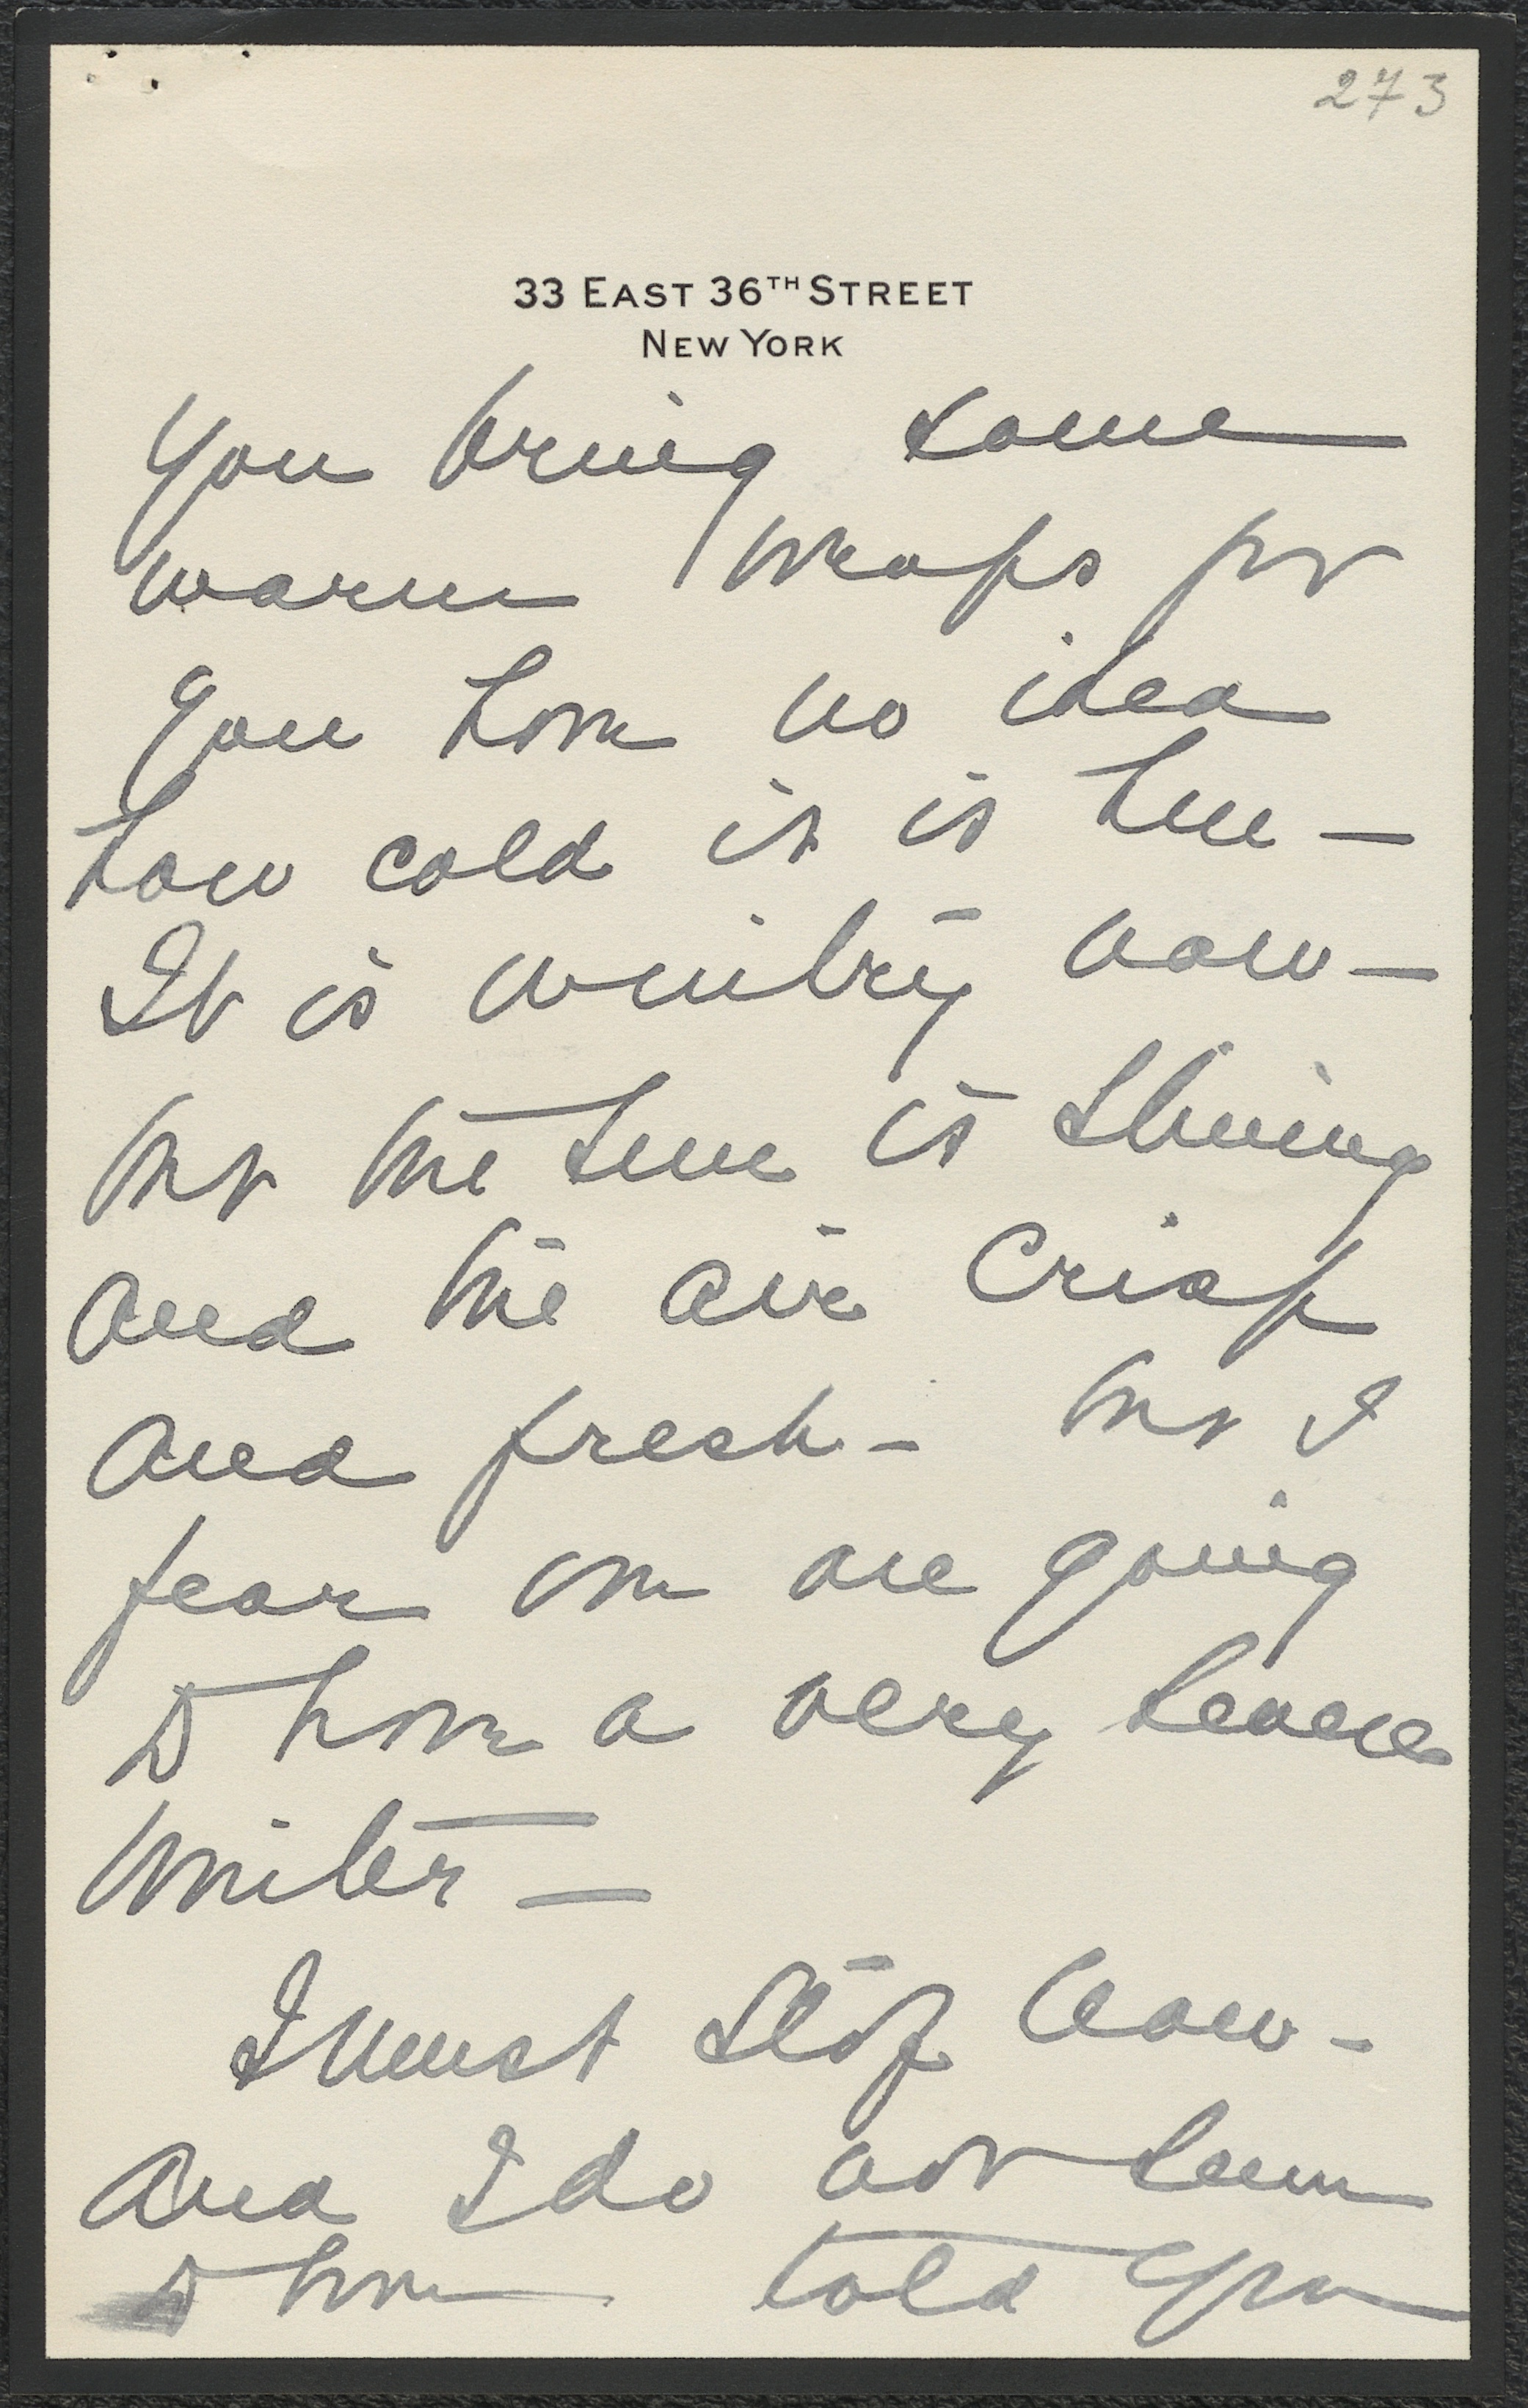you bring some warm wraps for you have no idea how cold it is here – It is wintry now – but the sun is shining and the air crisp and fresh – but I fear we are going to have a very severe winter –
I must stop now – and I do not seem to have told you